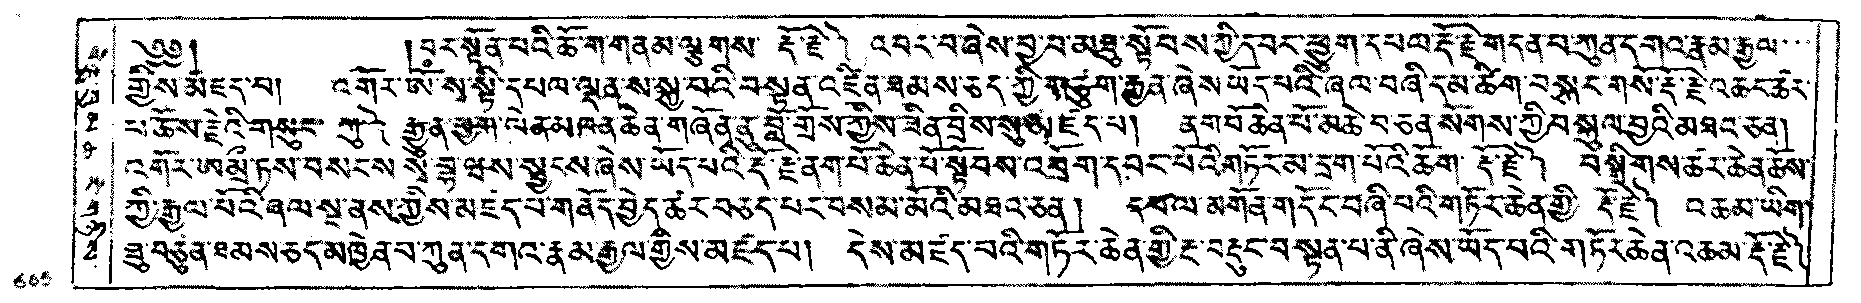༄༅། །བར་སྟོན་པའི་ཆོ་ག་གནམ་ལྕགས་རྡོ་རྗ྄ེ་འབར་བ་ཞེས་བྱ་བ་མཐུ་སྟོབས་ཀྱི་དབང་ཕྱུག་དཔལ་རྡོ་རྗེ་གདན་པ་ཀུན་དགའ་རྣམ་རྒྱལ་
གྱིས་མཛད་པ། འགོར་ཨོཾ་སྭ་སྟི་དཔལ་ལྡན་ས་སྐྱ་བའི་བསྟན་འཛིན་ཐམས་ཅད་ཀྱི་གཙུག་རྒྱན་ཞེས་ཡོད་པའི་ཞལ་བཞི་དམ་ཚིག་བསྐང་གསོ་རྡོ་རྗེ་འཆང་ཚར་
པ་ཆོས་རྗེའི་གསུང་ཀ྄ུ་རྒྱུན་ཕྱག་ལེན་མཁན་ཆེན་གཞོན་ནུ་བློ་གྲོས་ཀྱིས་ཟིན་བྲིས་སུ་མཛད་པ། ནག་པོ་ཆེན་པོ་མཆེ་བ་ཅན་སོགས་ཀྱི་བསྐུལ་བྱའི་མཐའ་ཅན།
འགོར་ཨྀམྲ་ཏས་བསངས་སྭ་བྷ་ཝས་སྦྱངས་ཞེས་ཡོད་པའི་རྡོ་རྗེ་ནག་པོ་ཆེན་པོ་སྟོབས་འཕྲོག་དབང་པོའི་གཏོར་མ་དྲག་པོའི་ཆོག་རྡོ་རྗ྄ེ་བསྒྲིགས་ཚར་ཆེན་ཆོས་
ཀྱི་རྒྱལ་པོའི་ཞལ་སྔ་ནས་ཀྱིས་མཛད་པ་གནོད་བྱེད་ཚར་བཅད་པར་བསམ་མོའི་མཐའ་ཅན། དཔལ་མགོན་གདོང་བཞི་པའི་གཏོར་ཆེན་གྱི་རྡོ་རྗ྄ེ་འཆམ་ཡིག་
ཐུ་བཙུན་ཐམས་ཅད་མཁྱེན་པ་ཀུན་དགའ་རྣམ་རྒྱལ་གྱིས་མཛད་པ། དེས་མཛད་པའི་གཏོར་ཆེན་གྱི་རྔ་བརྡུང་བསྟན་པ་ནི་ཞེས་ཡོད་པའི་གཏོར་ཆེན་འཆམ་རྡོ་རྗ྄ེ